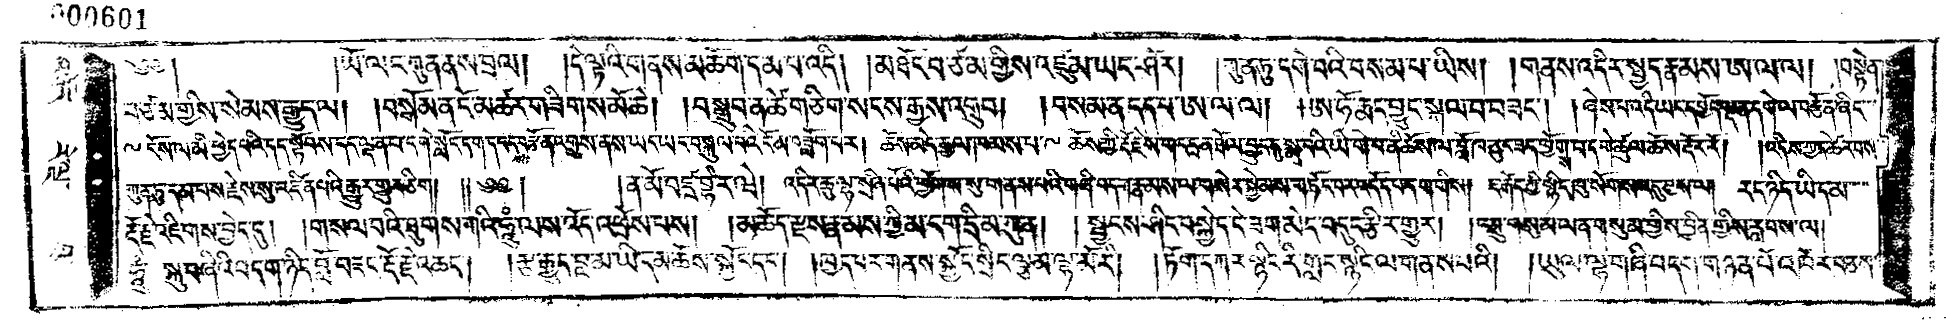༄༅། །ཡོ་ལང་ཀུན་ནས་བྲེལ། །དེ་ལྟའི་གནས་མཆོག་དམ་པ་འདི། །མཐོང་བ་ཙམ་གྱིས་འཛུམ་ཡང་ཤོར། །ཀུན་ཏུ་དགེ་བའི་བསམ་པ་ཡིས། །གནས་འདིར་སྤྱད་རྣམས་ཨ་ལ་ལ། །བསྟེན་
པ་ཙམ་གྱིས་སེམས་རྒྱུད་ལ། །བསྒོམ་ན་ངོ་མཚར་གཟིགས་མོ་ཆེ། །བསྒྲུབ་ན་ཚེ་གཅིག་སངས་རྒྱས་འགྲུབ། །བསམ་ན་དད་པ་ཨ་ལ་ལ། །ཨ་ཧོ་རྨད་བྱུང་སྐལ་པ་བཟང་། །ཞེས་པ་འདི་ཡང་དཔྱོད་ལྡན་དགེ་ལ་བརྩོན་ཞིང་
༧་ངོས་ལ་མི་ཕྱེད་པའི་དད་སྟོབས་དང་ལྡན་པ་དགེ་སློང་ངག་དབང་བརྩོན་འགྲུས་ནས་ཡང་ཡང་བསྐུལ་བའི་ངོ་མ་བཟློག་པར། ཆོས་མེད་རྒྱལ་ཁམས་པ་༧་ཆོས་ཀྱི་རྡོ་རྗེས་གང་དྲན་ཐོལ་བྱུང་དུ་སྨྲ་བའི་ཡི་གེ་པ་ནི་ཆོས་ལ་བློ་ཁ་ཅུང་ཟད་ཕྱོགས་པ་དགེ་ཚུལ་ཆོས་རྡོར་རོ། །འདིས་ཀྱང་ཚེ་རབས་
ཀུན་ཏུ་དམ་པས་རྗེས་སུ་འཛིན་པའི་རྒྱུར་གྱུར་ཅིག ། །། ༄༅། །ན་མོ་བཛྲ་བྷཻ་ར་ཝེ། འདིར་ཆུ་ལྷ་སྲིན་པོའི་ཕྱོགས་སུ་གནས་པའི་གཞི་བདག་རྣམས་ལ་གསེར་སྐྱེམས་གཏོང་བར་འདོད་པ་དག་གིས། ཇ་རྒོད་ཀྱི་སྙིང་ཁུ་སོགས་འདུ་བྱས་ལ།  རང་ཉིད་ཡི་དམ་
རྡོ་རྗེ་འཇིགས་བྱེད་དུ། །གསལ་བའི་ཐུགས་ཀའི་ཧཱུཾ་ལས་འོད་འཕྲོས་པས། །མཆོད་རྫས་རྣམས་ཀྱི་མ་དག་དྲི་མ་ཀུན། །སྦྱངས་ཤིང་བསྐྱེད་དེ་ཟག་མེད་བདུད་རྩིར་གྱུར། །འབྲུ་གསུམ་ལན་གསུམ་གྱིས་བྱིན་གྱིས་རླབས་ལ།
ཧཱུཾ་སྐུ་བཞིའི་བདག་ཉིད་བློ་བཟང་རྡོ་རྗེ་འཆང་། །རྩ་རྒྱུད་བླ་མ་ཡི་དམ་ཆོས་སྐྱོང་དང་། །ཁྱད་པར་གནས་སྐྱོང་སྲིང་ལྕམ་ལྷ་མོ་རི། །ཏོག་དཀར་སྙིང་རི་གླང་སྙིང་ལ་གནས་པའི། །ཡུལ་ལྷ་གཞི་བདག་གཉན་པོ་འཁོར་བཅས་